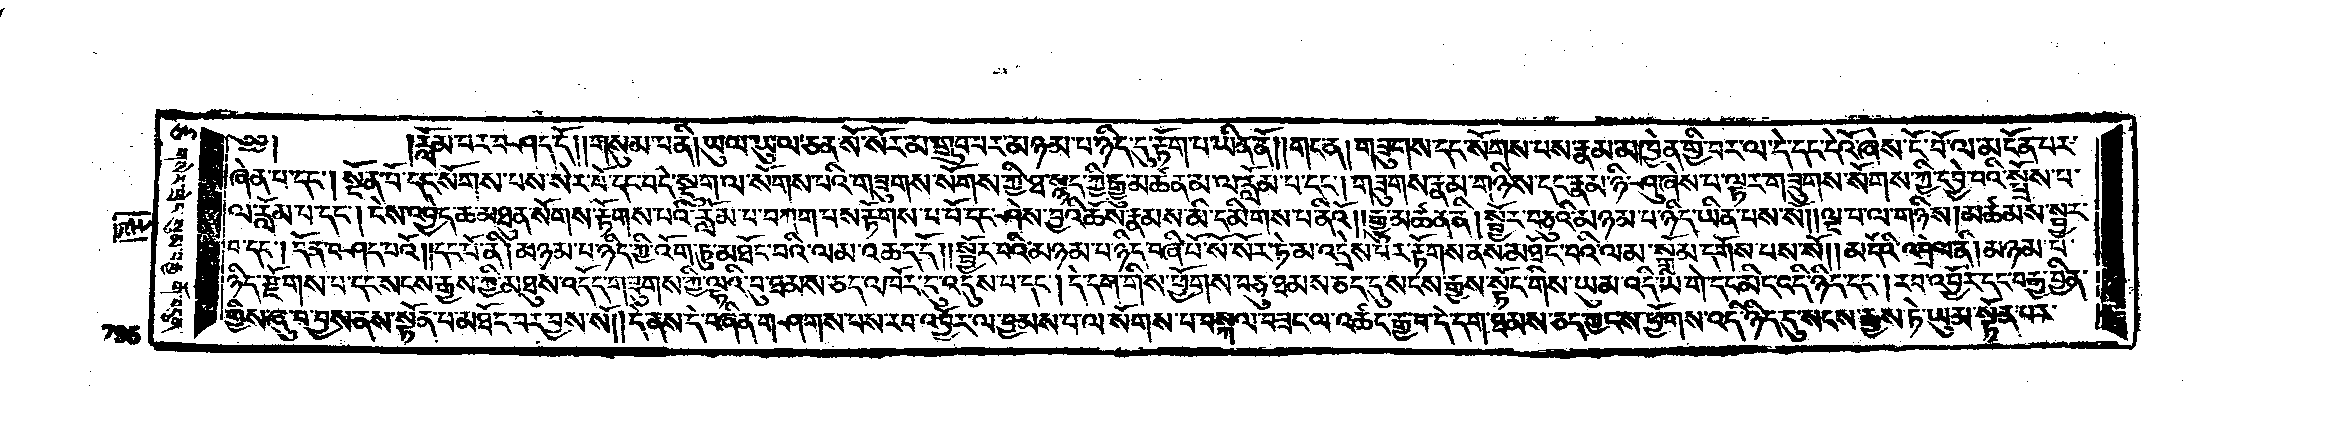༄༅། །རློམ་པར་བཤད་དོ། །གསུམ་པ་ནི། ཡུལ་ཡུལ་ཅན་སོ་སོར་མ་གྲུབ་པར་མཉམ་པ་ཉིད་དུ་རྟོག་པ་ཡིན་ནོ། །གང་ན། གཟུགས་དང་སོགས་པས་རྣམ་མཁྱེན་གྱི་བར་ལ་དེ་དང་དེའོ་ཞེས་ངོ་བོ་ལ་མངོན་པར་
ཞེན་པ་དང་། སྔོན་པོ་དང་སོགས་པས་སེར་པོ་དང་བདེ་སྡུག་ལ་སོགས་པའི་གཟུགས་སོགས་ཀྱི་ཐ་སྙད་ཀྱི་རྒྱུ་མཚན་མ་ལ་རློམ་པ་དང་། གཟུགས་རྣམ་གཉིས་དང་རྣམ་ཉི་ཤུ་ཞེས་པ་ལྟར་གཟུགས་སོགས་ཀྱི་དབྱེ་བའི་སྤྲོས་པ་
ལ་རློམ་པ་དང་། ངེས་འབྱེད་ཆ་མཐུན་སོགས་རྟོགས་པའི་རློམ་པ་བཀག་པས་རྟོགས་པ་པོ་དང་ཤེས་བྱའི་ཆོས་རྣམས་མི་དམིགས་པ་ནིའོ། །རྒྱུ་མཚན་ནི། སྦྱོར་བཅུའི་མཉམ་པ་ཉིད་ཡིན་པས་སོ། །ལྔ་པ་ལ་གཉིས། མཚམས་སྦྱར་
བ་དང་། དོན་བཤད་པའོ། །དང་པོ་ནི། མཉམ་པ་ཉིད་ཀྱི་འོག་ཏུ་མཐོང་བའི་ལམ་འཆད་དོ། །སྦྱོར་བའི་མཉམ་པ་ཉིད་བཞི་པོ་སོ་སོར་ཏེ་མ་འདྲེས་པར་རྟོགས་ནས་མཐོང་བའི་ལམ་སྒོམ་དགོས་པས་སོ། །མདོའི་འབྲེལ་ནི། མཉམ་པ་
ཉིད་རྫོགས་པ་དང་སངས་རྒྱས་ཀྱི་མཐུས་འདོད་གཟུགས་ཀྱི་ལྷའི་བུ་ཐམས་ཅད་འཁོར་དུ་འདུས་པ་དང་། དེ་དག་གིས་ཕྱོགས་བཅུ་ཐམས་ཅད་དུ་སངས་རྒྱས་སྟོང་གིས་ཡུམ་འདི་ཡི་གེ་དང་མིང་འདི་ཉིད་དང་། རབ་འབྱོར་དང་བརྒྱ་བྱིན་
གྱིས་ཞུ་བ་བྱས་ནས་སྟོན་པ་མཐོང་བར་བྱས་སོ། །དེ་ནས་དེ་བཞིན་གཤེགས་པས་རབ་འབྱོར་ལ་བྱམས་པ་ལ་སོགས་པ་བསྐལ་བཟང་ལ་འཚང་རྒྱ་བ་དེ་དག་ཐམས་ཅད་ཀྱང་ས་ཕྱོགས་འདི་ཉིད་དུ་སངས་རྒྱས་ཏེ་ཡུམ་སྟོན་པར་